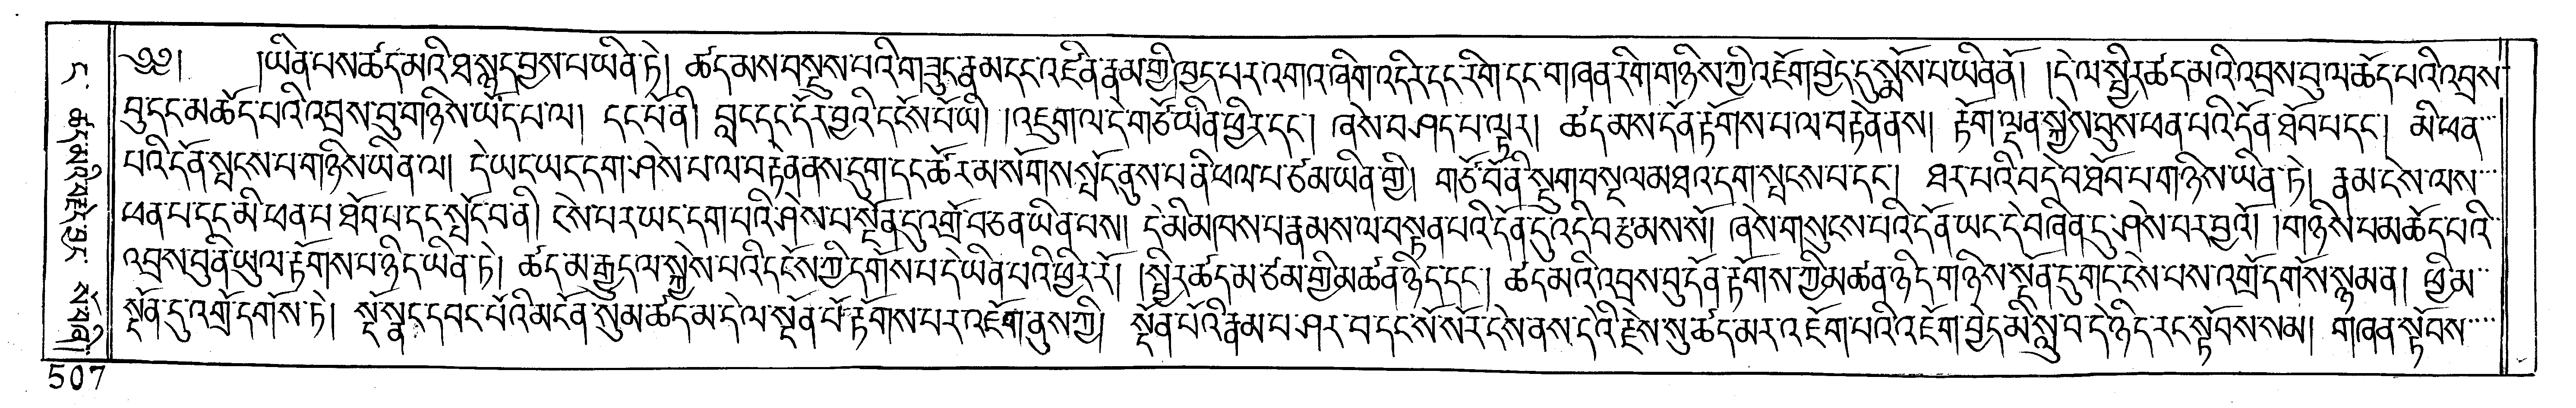༄༅། །ཡིན་པས་ཚད་མའི་ཐ་སྙད་བྱས་པ་ཡིན་ཏེ། ཚད་མས་བསྡུས་པའི་གཟུང་རྣམ་དང་འཛིན་རྣམ་གྱི་ཁྱད་པར་འགའ་ཞིག་འདིར་རང་རིག་དང་གཞན་རིག་གཉིས་ཀྱི་འཇོག་བྱེད་དུ་སྨོས་པ་ཡིན་ནོ། །དེ་ལ་སྤྱིར་ཚད་མའི་འབྲས་བུ་ལ་ཆོད་པའི་འབྲས་
བུ་དང་མཆོད་པའི་འབྲས་བུ་གཉིས་ཡོད་པ་ལ། དང་པོ་ནི། བླང་དང་དོར་བྱའི་དངོས་པོ་ཡི། །འཇུག་ལ་དེ་གཙོ་ཡིན་ཕྱིར་དང་། ཞེས་བཤད་པ་ལྟར། ཚད་མས་དོན་རྟོགས་པ་ལ་བརྟེན་ནས། རྟོག་ལྡན་སྐྱེས་བུས་ཕན་པའི་དོན་ཐོབ་པ་དང་། མི་ཕན་
པའི་དོན་སྤངས་པ་གཉིས་ཡིན་ལ། དེ་ཡང་ཡང་དག་ཤེས་པ་ལ་བརྟེན་ནས་དུག་དང་ཚེར་མ་སོགས་སྤོང་ནུས་པ་ནི་ཕལ་བ་ཙམ་ཡིན་གྱི། གཙོ་བོ་ནི་སྡུག་བསྔལ་མཐའ་དག་སྤངས་པ་དང་། ཐར་པའི་བདེ་བ་ཐོབ་པ་གཉིས་ཡིན་ཏེ། རྣམ་ངེས་ལས་
ཕན་པ་དང་མི་ཕན་པ་ཐོབ་པ་དང་སྤོང་བ་ནི། ངེས་པར་ཡང་དག་པའི་ཤེས་པ་སྔོན་དུ་འགྲོ་བ་ཅན་ཡིན་པས། དེ་མི་མཁས་པ་རྣམས་ལ་བསྟན་པའི་དོན་དུ་འདི་བ་རྩམས་སོ། ཞེས་གསུངས་པའི་དོན་ཡང་དེ་བཞིན་དུ་ཤེས་པར་བྱའོ། །གཉིས་པ་མཆོད་པའི་
འབྲས་བུ་ནི་ཡུལ་རྟོགས་པ་ཉིད་ཡིན་ཏེ། ཚད་མ་རྒྱུད་ལ་སྐྱེས་པའི་དངོས་ཀྱི་དགོས་པ་དེ་ཡིན་པའི་ཕྱིར་རོ། །སྤྱིར་ཚད་མ་ཙམ་གྱི་མཚན་ཉིད་དང་། ཚད་མའི་འབྲས་བུ་དོན་རྟོགས་ཀྱི་མཚན་ཉིད་གཉིས་སྔོན་དུ་གང་ངེས་པས་འགྲོ་དགོས་སྙམ་ན། ཕྱི་མ་
སྔོན་དུ་འགྲོ་དགོས་ཏེ། སྔོ་སྣང་དབང་པོའི་མངོན་སུམ་ཚད་མ་དེ་ལ་སྔོན་པོ་རྟོགས་པར་འཇོག་ནུས་ཀྱི། སྔོན་པོའི་རྣམ་པ་ཤར་བ་དང་སོ་སོར་ངེས་ནས་དེའི་རྗེས་སུ་ཚད་མར་འཇོག་པའི་འཇོག་བྱེད་མི་སླུ་བ་དེ་ཉིད་རང་སྟོབས་སམ། གཞན་སྟོབས་